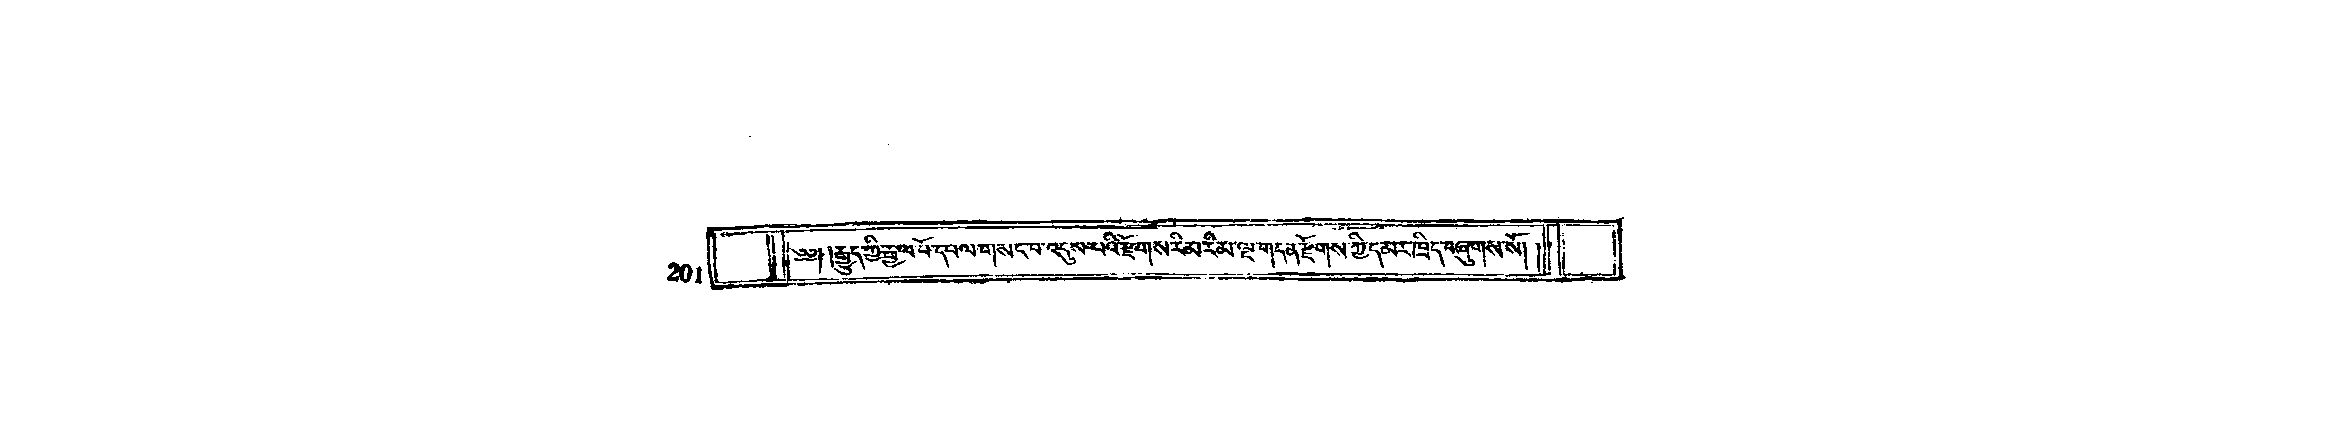༄༅། །རྒྱུད་ཀྱི་རྒྱལ་པོ་དཔལ་གསང་བ་འདུས་པའི་རྫོགས་རིམ་རིམ་ལྔ་གདན་རྫོགས་ཀྱི་དམར་ཁྲིད་བཞུགས་སོ། །